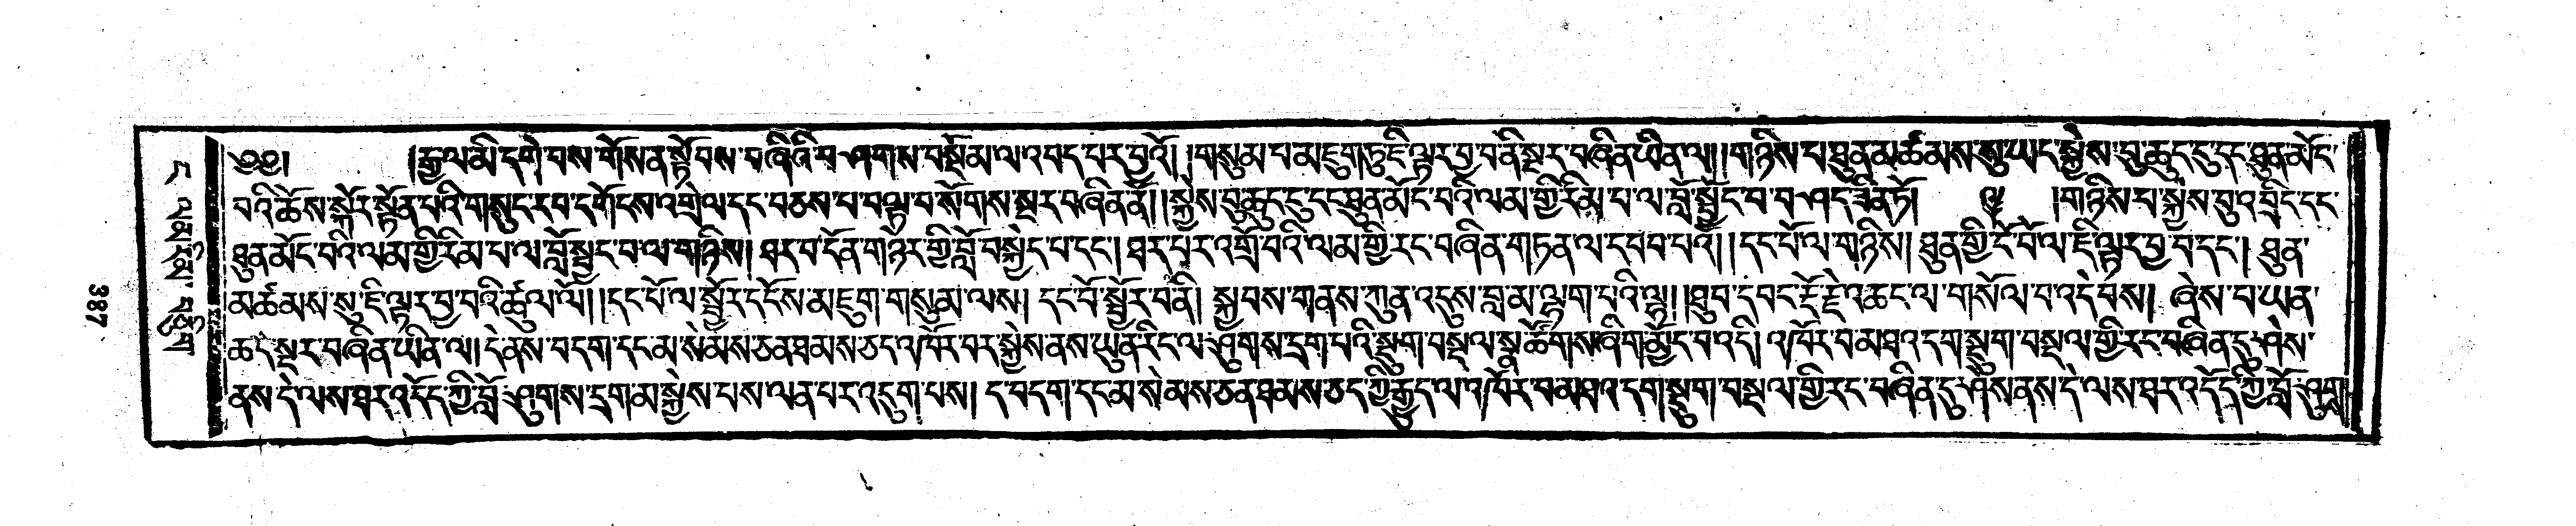༄༅། །རྒྱ་ལ་མི་དགེ་བས་གོས་ན་སྟོབས་བཞིའི་བཤགས་བསྡམ་ལ་འབར་པར་བྱའོ། །གསུམ་པ་མཇུག་ཏུ་ཇི་ལྟར་བྱ་བ་ནི་སྔར་བཞིན་ཡིན་ལ། །གཉིས་པ་ཐུན་མཚམས་སུ་ཡང་སྐྱེས་བུ་ཆུང་ངུ་དང་ཐུན་མོང་
བའི་ཆོས་སྐོར་སྟོན་པའི་གསུང་རབ་དགོངས་འགྲེལ་དང་བཅས་པ་བལྟ་བ་སོགས་སྔར་བཞིན་ནོ། །སྐྱེས་བུ་ཆུང་ངུ་དང་ཐུན་མོང་བའི་ལམ་གྱི་རིམ་པ་ལ་བློ་སྦྱང་བ་བཤད་ཟིན་ཏོ། ༈ །གཉིས་པ་སྐྱེས་བུ་འབྲིང་དང་
ཐུན་མོང་བའི་ལམ་གྱི་རིམ་པ་ལ་བློ་སྦྱང་བ་ལ་གཉིས། ཐར་པ་དོན་གཉེར་གྱི་བློ་བསྐྱེད་པ་དང་། ཐར་པར་འགྲོ་བའི་ལམ་གྱི་རང་བཞིན་གཏན་ལ་དབབ་པའོ། །དང་པོ་ལ་གཉིས། ཐུན་གྱི་ངོ་བོ་ལ་ཇི་ལྟར་བྱ་བ་དང་། ཐུན་
མཚམས་སུ་ཇི་ལྟར་བྱ་བའི་ཚུལ་ལོ། །དང་པོ་ལ་སྦྱོར་དངོས་མཇུག་གསུམ་ལས། དང་པོ་སྦྱོར་བ་ནི། སྐྱབས་གནས་ཀུན་འདུས་བླ་མ་ལྷག་པའི་ལྟ། །ཐུབ་དབང་རྡོ་རྗེ་འཆང་ལ་གསོལ་བ་འདེབས། ཞེས་པ་ཡན་
ཆད་སྔར་བཞིན་ཡིན་ལ། དེ་ནས་བདག་དང་མ་སེམས་ཅན་ཐམས་ཅད་འཁོར་བར་སྐྱེས་ནས་ཡུན་རིང་ལ་ཤུགས་དྲག་པའི་སྡུག་བསྔལ་སྣ་ཚོགས་ཞིག་མྱོང་བ་འདི། འཁོར་བ་མཐའ་དག་སྡུག་བསྔལ་གྱི་རང་བཞིན་དུ་ཤེས་
ནས་དེ་ལས་ཐར་འདོད་ཀྱི་བློ་ཤུགས་དྲག་མ་སྐྱེས་པས་ལན་པར་འདུག་པས། ད་བདག་དང་མ་སེམས་ཅན་ཐམས་ཅད་ཀྱི་རྒྱུད་ལ་འཁོར་བ་མཐའ་དག་སྡུག་བསྔལ་གྱི་རང་བཞིན་དུ་ཤེས་ནས་དེ་ལས་ཐར་འདོད་ཀྱི་བློ་ཤུགས་